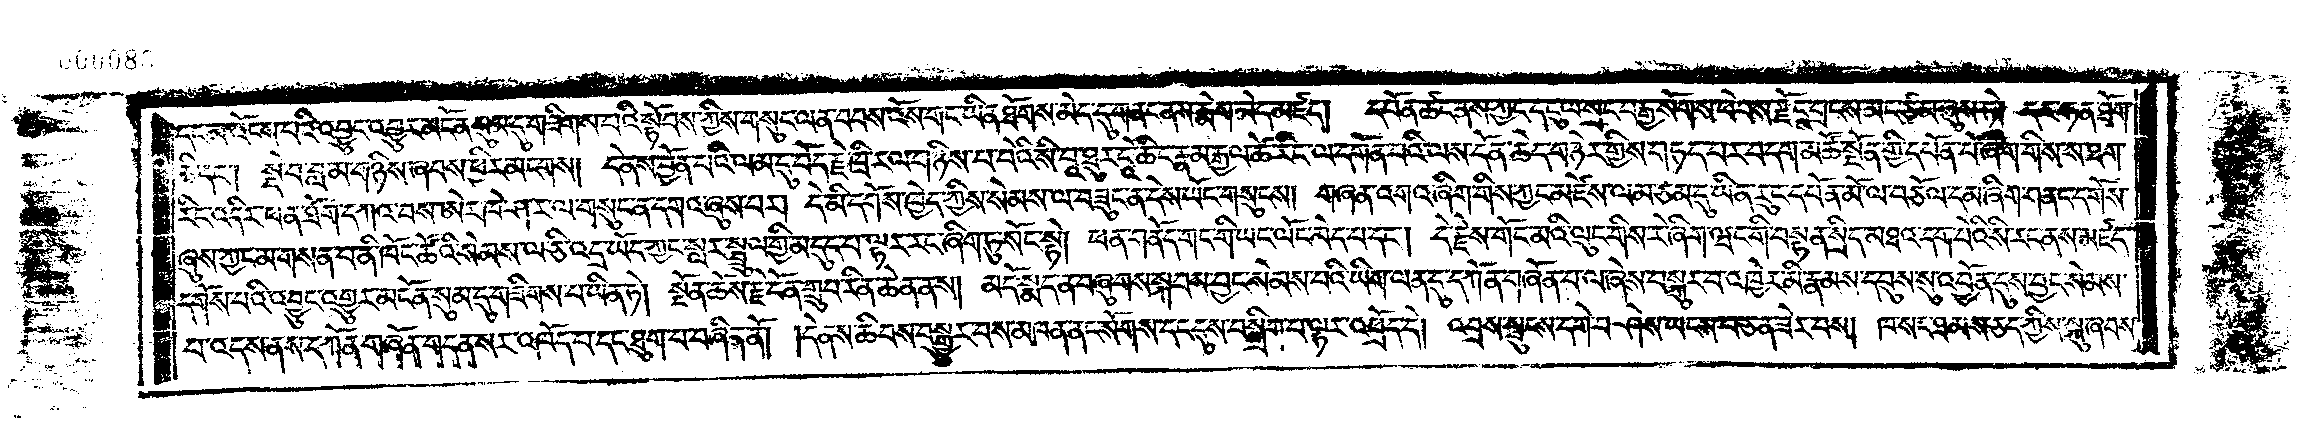དང་མ་འོངས་པའི་འབྱུང་འགྱུར་མངོན་སུམ་དུ་གཟིགས་པའི་སྟོབས་ཀྱིས་གསུང་ལན་བབས་འོས་གང་ཡིན་ཐོགས་མེད་དུ་གནང་ནས་རྨེག་མེད་མཛད། དཔོན་ཚང་ནས་ཀྱང་དངུལ་སྲང་བརྒྱ་སོགས་ཕེབས་རྫོགས་གྲངས་མང་ཙམ་ཞུས་ཏེ། དར་ཧན་ཐོག་
ཆི་དང་། སྡེ་བ་བླ་མ་གཉིས་ཞབས་ཕྱིར་མངགས། དེ་ནས་བྱོན་པའི་ལམ་དུ་བོད་རྗེ་ཁྲི་རལ་གཉིས་པ་པེའི་སི་བཱ་ཐུར་དE་ཆིང་རྣམ་རྒྱལ་ཚེ་རིང་ལ་དགོན་པའི་ལས་དོན་ཆེད་གཉེར་གྱིས་གཏད་པར་བདག་མཚོ་སྔོན་གྱི་དཔོན་པོ་ཞིག་གིས་ས་ཐག་
རིང་འདིར་ཕན་ཐོག་དཀའ་བས་ཨེར་ཁེ་ཤར་ལ་གསུང་ན་དགའ་ཞུས་པར། དེ་མི་དགོས་ཁྱེད་ཀྱིས་སེམས་ལ་བཟུང་ན་དེས་ཡོང་གསུངས། གཞན་འགའ་ཞིག་གིས་ཀྱང་མཛེས་ལམ་ཙམ་དུ་ཡིན་རུང་དཔོན་མོ་ལ་བཅོལ་དམ་ཞིག་གནང་དགོས་
ཞུས་ཀྱང་མ་གསན་པ་ནི་ཁོང་ཚོའི་སེམས་ལ་ཅི་འདྲ་ཡོད་ཀྱང་སླར་སྦྲུལ་གྱི་མདུད་བ་ལྟར་རང་ཞིག་ཏུ་སོང་སྟེ། ཕན་གནོད་གང་གི་ཡང་ལོང་མེད་པ་དང་། དེ་རྗེས་གོང་མའི་ལུང་གིས་རེ་ཞིག་ཝང་གི་བསྟན་སྲིད་མཐའ་དག་པེའི་སི་རང་ནས་མཛད་
དགོས་པའི་འབྱུང་འགྱུར་མངོན་སུམ་དུ་གཟིགས་པ་ཡིན་ཏེ། སྔོན་ཆོས་རྗེ་དོན་གྲུབ་རིན་ཆེན་ནས། མདོ་སྨད་ན་བཞུགས་སྐབས་བྱང་སེམས་པའི་ཡིག་ལན་དུ་དཀོན་གཞོན་པ་ལ་ཞེས་བསྐུར་བ་འཁྱེར་མི་རྣམས་དབུས་སུ་འབྱོན་དུས་བྱང་སེམས་
བ་འདས་ནས་དཀོན་གཞོན་གདན་སར་འཁོད་པ་དང་ཐུག་པ་བཞིན་ནོ། །དེ་ནས་ཆིབས་བསྒྱུར་བས་མཁན་ནང་སོགས་དང་དུས་བསྒྲིག་པ་ལྟར་འཕྲོད་དེ། འབྲས་སྲུངས་དགེ་བཤེས་ཡངས་པ་ཅན་ཟེར་བས། ཁ་སང་ཐམས་ཅད་ཀྱིས་སྐུ་ཞབས་